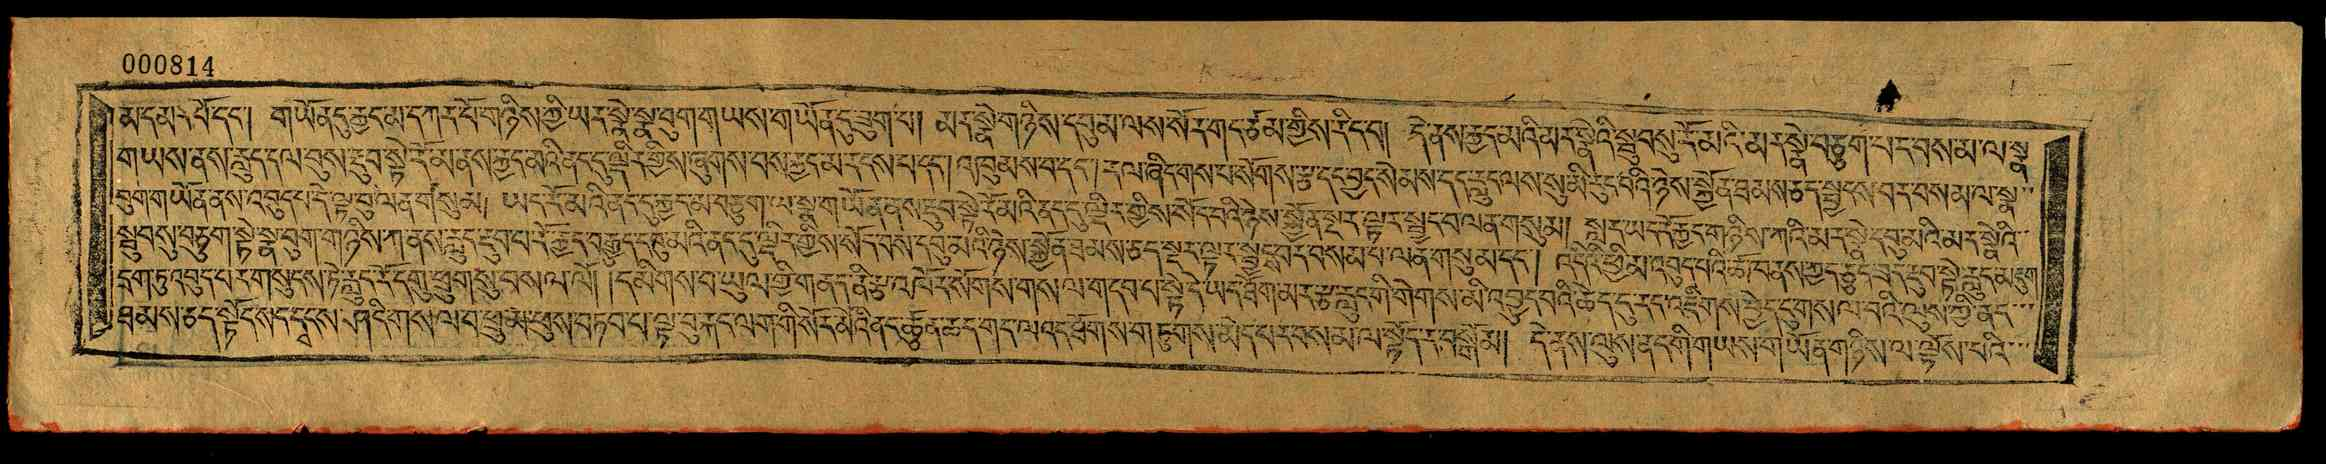མ་དམར་པོ་དང་། གཡོན་དུ་རྐྱང་མ་དཀར་པོ་གཉིས་ཀྱི་ཡར་སྣེ་སྣ་བུག་གཡས་གཡོན་དུ་ཟུག་པ། མར་སྣེ་གཉིས་དབུ་མ་ལས་སོར་གང་ཙམ་གྱིས་རིང་བ། དེ་ནས་རྐྱང་མའི་མར་སྣེའི་སྦུབས་སུ་རོ་མའི་མར་སྣེ་བཅུག་པར་བསམ་ལ་སྣ་
གཡས་ནས་རླུང་དལ་བུས་རྡུབ་སྟེ་རོ་མ་ནས་རྒྱང་མའི་ནང་དུ་ལྡིར་གྱིས་ཞུགས་པས་རྐྱང་མ་རེངས་པ་དང་། འཁུམས་པ་དང་། རལ་ཞིང་གས་པ་སོགས་རྩ་དང་བྱང་སེམས་དང་རླུང་ལས་སུ་མི་རུང་བའི་ཉེས་སྐྱོན་ཐམས་ཅད་སྦྱངས་པར་བསམ་ལ་སྣ་
བུག་གཡོན་ནས་འབུད་པ་དེ་ལྟ་བུ་ལན་གསུམ། ཡང་རོ་མའི་ནང་དུ་རྐྱང་མ་བཅུག་ལ་སྣ་གཡོན་ནས་རྔུབ་སྟེ་རོ་མའི་ནང་དུ་ལྡིར་གྱིས་སོང་བའི་ཉེས་སྐྱོན་སྔར་ལྟར་སྦྱང་བ་ལན་གསུམ། སླར་ཡང་རོ་རྐྱང་གཉིས་ཀའི་མར་སྣེ་དབུ་མའི་མར་སྣེའི་
སྦུ་བསུ་བཅུག་སྟེ་སྣ་བུག་གཉིས་ཀ་ནས་རླུང་རྡུབ་པ་རོ་རྐྱང་བརྒྱུད་དབུ་མའི་ནང་དུ་ལྡིར་གྱིས་སོང་བས་དབུ་མའི་ཉེས་སྐྱོན་ཐམས་ཅད་སྔར་ལྟར་སྦྱང་པར་བསམ་པ་ལན་གསུམ་དང་། འདིའི་ཕྱི་མ་འབུད་པའི་ཚུལ་ནས་ཀྱང་ཅུང་ཟད་རྡུབ་སྟེ་རླུང་མཇུག་
དྲག་ཏུ་འབུད་པར་གསུངས་ཏེ་རླུང་རོ་དགུ་ཕྲུགས་སུ་བསལ་ལོ། །དམིགས་པ་ཡུལ་གྱི་གནད་ནི་རྩ་འཁོར་སོགས་གསལ་གདབ་པ་སྟེ་དེ་ཡང་ཐོག་མར་རྩ་རླུང་གི་གེགས་མི་འབྱུང་བའི་ཆེད་དུ་རང་འཇིགས་བྱེད་དུ་གསལ་བའི་ལུས་ཀྱི་ནང་
ཐམས་ཅད་སྟོང་སང་དྭངས་ཤིང་གསལ་བ་ཕྲུ་མ་ཕུས་བཏབ་པ་ལྟ་བུ་རྐང་ལག་གི་སོར་མོའི་ནང་ཚུན་ཆད་གང་ལའང་ཐོགས་གཏུགས་མེད་པར་བསམ་ལ་སྟོང་ར་བསྒོམ། དེ་ནས་ལུས་ནང་གི་གཡས་གཡོན་གཉིས་ལ་ལྟོས་པའི་